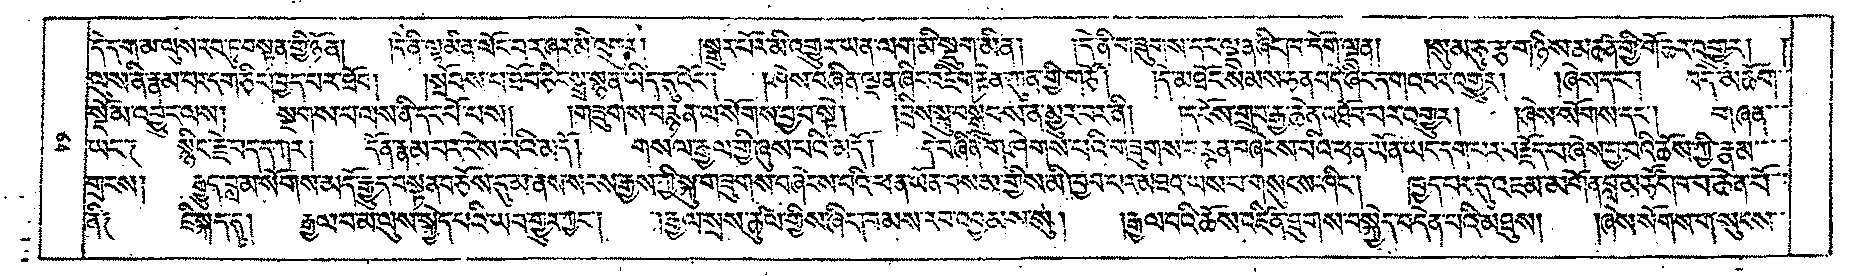དེ་དག་མ་ལུས་རབ་ཏུ་བསྟན་གྱི་ཉོན། །དེ་ནི་ལྟ་མིན་ལོང་བར་ཞར་མི་འགྱུར། །སྒུར་པོར་མི་འགྱུར་ཡན་ལག་མི་སྡུག་མིན། །དེ་ནི་གཟུགས་དང་ལྡན་ཞིང་ཁ་དོག་ལྡན། །སུམ་ཅུ་རྩ་གཉིས་མཚན་གྱི་གོ་ཆར་འགྱུར། །
ལུས་ནི་རྣམ་པར་དག་ཅིང་ཁྱད་པར་ཐོབ། །སྤོབས་པ་ཐོབ་ཅིང་སྒྲ་སྙན་ཡིད་དུ་འོང་། །ཤེས་བཞིན་ལྡན་ཞིང་འཇིག་རྟེན་ཀུན་གྱི་གཙོ། །དེ་མཐོང་སེམས་ཅན་བདེ་ཞིང་དགའ་བར་འགྱུར། །ཞེས་དང་། བདེ་མཆོག་
སྡོམ་འབྱུང་ལས། སྔགས་པ་ལས་ནི་དང་པོ་པས། །གཟུགས་བརྙན་ལ་སོགས་བྱ་བ་སྟེ། །བྲིས་སྐུ་བསྒྲུབས་ནས་མྱུར་བར་ནི། །དངོས་གྲུབ་རྒྱ་ཆེན་འཐོབ་པར་འགྱུར། །ཞེས་སོགས་དང་། གཞན་
ཡང་། སྙིང་རྗེ་པད་དཀར། དོན་རྣམ་པར་ངེས་པའི་མདོ། གསལ་རྒྱལ་གྱི་ཞུས་པའི་མདོ། དེ་བཞིན་གཤེགས་པའི་གཟུགས་བརྙན་བཞེངས་པའི་ཕན་ཡོན་ཡང་དག་པར་བརྗོད་པ་ཞེས་བྱ་བའི་ཆོས་ཀྱི་རྣམ་
གྲངས། རྒྱུད་བླ་མ་སོགས་མདོ་རྒྱུད་བསྟན་བཅོས་དུ་མ་ནས་སངས་རྒྱས་ཀྱི་སྐུ་གཟུགས་བཞེངས་པའི་ཕན་ཡོན་བསམ་གྱིས་མི་ཁྱབ་པར་མཐའ་ཡས་པ་གསུངས་ཤིང་། ཁྱད་པར་དུ་འཇམ་མགོན་བླ་མ་ཙོང་ཁ་པ་ཆེན་པོ་
ནི། ཇི་སྐད་དུ། རྒྱལ་བ་མ་ལུས་སྐྱེད་པའི་ཡབ་གྱུར་ཀྱང་། །རྒྱལ་སྲས་ཚུལ་གྱིས་ཞིང་ཁམས་རབ་འབྱམས་སུ། །རྒྱལ་བའི་ཆོས་འཛིན་ཐུགས་བསྐྱེད་བདེན་པའི་མཐུས། །ཞེས་སོགས་གསུངས་